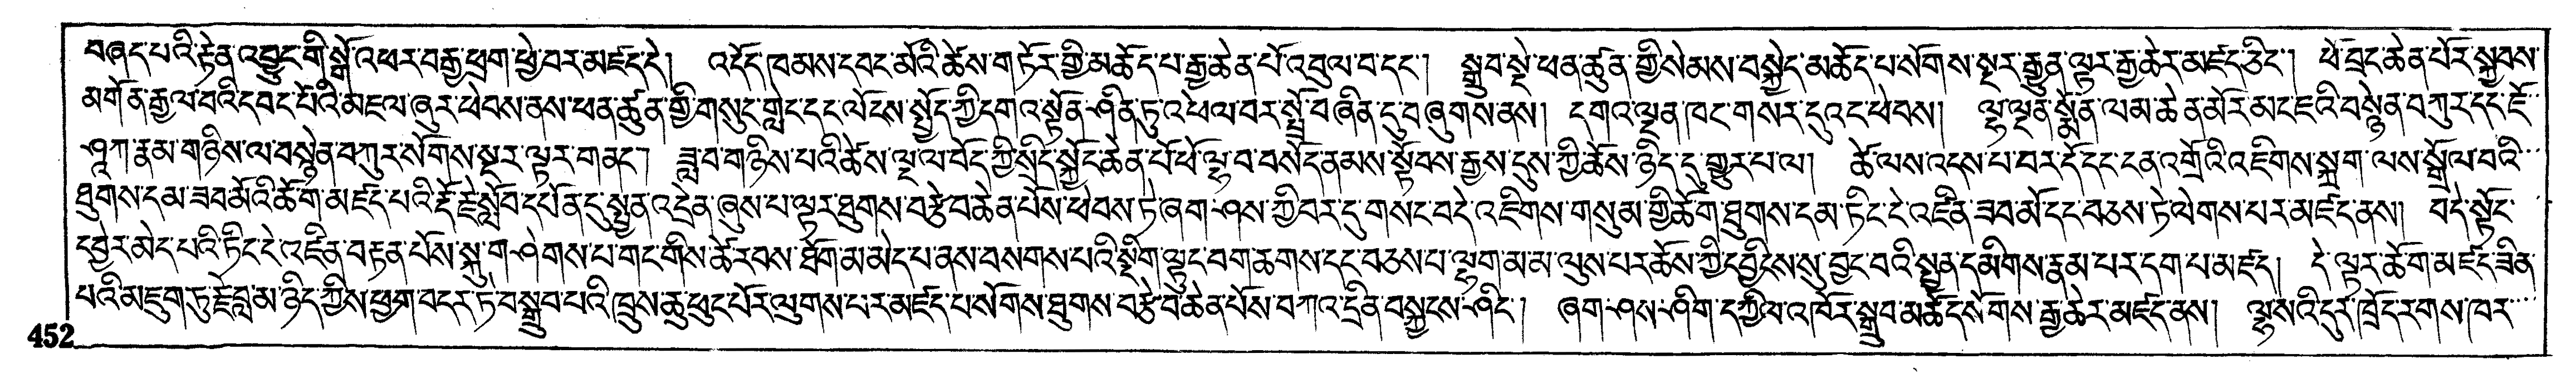བཞད་པའི་རྟེན་འབྱུང་གི་སྒོ་འཕར་བརྒྱ་ཕྲག་ཕྱེ་བར་མཛད་དེ། འདོད་ཁམས་དབང་མོར་ཚེས་གཏོར་གྱི་མཆོད་པ་རྒྱ་ཆེན་པོ་འབུལ་བ་དང་། སྒྲུབ་སྡེ་ཕན་ཚུན་གྱི་སེམས་བསྐྱེད་མཆོད་པ་སོགས་སྔར་རྒྱུ་ན་ལྟར་རྒྱ་ཆེར་མཛད་ཅིང་། ཕོ་བྲང་ཆེན་པོར་སྐྱབས་
མགོན་རྒྱལ་བའི་དབང་པོའི་མཇལ་ཞུར་ཕེབས་ནས་ཕན་ཚུན་གྱི་གསུང་གླེང་དང་ལོངས་སྤྱོད་ཀྱི་དགའ་སྟོན་ཤིན་ཏུ་འཕེལ་བར་སྤྲོ་བཞིན་དུ་བཞུགས་ནས། དགའ་ལྡན་ཁང་གསར་དུའང་ཕེབས། ལྷ་ལྡན་སྨོན་ལམ་ཆེན་མོར་མང་ཇའི་བསྙེན་བཀུར་དང་ཇོ་
ཤཱཀ་རྣམ་གཉིས་ལ་བསྙེན་བཀུར་སོགས་སྔར་ལྟར་གནང་། ཟླ་བ་གཉིས་པའི་ཚེས་ལྔ་ལ་བོད་ཀྱི་སྲིད་སྐྱོང་ཆེན་པོ་ཕོ་ལྷ་བ་བསོད་ནམས་སྟོབས་རྒྱས་དུས་ཀྱི་ཆོས་ཉིད་དུ་གྱུར་པ་ལ། ཚེ་ལས་འདས་པ་བར་དོ་དང་ངན་འགྲོའི་འཇིགས་སྐྲག་ལས་སྒྲོལ་བའི་
ཐུགས་དམ་ཟབ་མོའི་ཆོ་ག་མཛད་པའི་རྡོ་རྗེ་སློབ་དཔོན་དུ་སྦྱན་འདྲེན་ཞུས་པ་ལྟར་ཐུགས་བརྩེ་བ་ཆེན་པོས་ཕེབས་ཏེ་ཞག་ཤས་ཀྱི་བར་དུ་གསང་བདེ་འཇིགས་གསུམ་གྱི་ཆོ་ག་ཐུགས་དམ་ཏིང་ངེ་འཛིན་ཟབ་མོ་དང་བཅས་ཏེ་ལེགས་པར་མཛད་ནས། བདེ་སྟོང་
དབྱེར་མེད་པའི་ཏིང་ངེ་འཛིན་བརྟན་པོས་སྐུ་གཤེགས་པ་གང་གིས་ཚེ་རབས་ཐོགས་མེད་པ་ནས་བསགས་པའི་སྡིག་ལྟུང་བག་ཆགས་དང་བཅས་པ་ལྷག་མ་མ་ལུས་པར་ཆོས་ཀྱི་དབྱིངས་སུ་བྱང་བའི་སྤྱན་དམིགས་རྣམ་པར་དག་པ་མཛད། དེ་ལྟར་ཆོ་ག་མཛད་ཟིན་
པའི་མཇུག་ཏུ་རྗེ་བླ་མ་ཉིད་ཀྱིས་ཕྱག་བདར་ཏེ་བསྒྲུབ་པའི་ཁྲུས་ཆུ་ཕུང་པོར་ལུགས་བར་མཛད་པ་སོགས་ཐུགས་བརྩེ་བ་ཆེན་པོས་བཀའ་དྲིན་བསྐྱངས་ཤིང་། ཞག་ཤས་ཤིག་དཀྱིལ་འཁོར་སྒྲུབ་མཆོད་སོགས་རྒྱ་ཆེར་མཛད་ནས། ལྷ་སའི་དུར་ཁྲོད་རགས་ཁར་